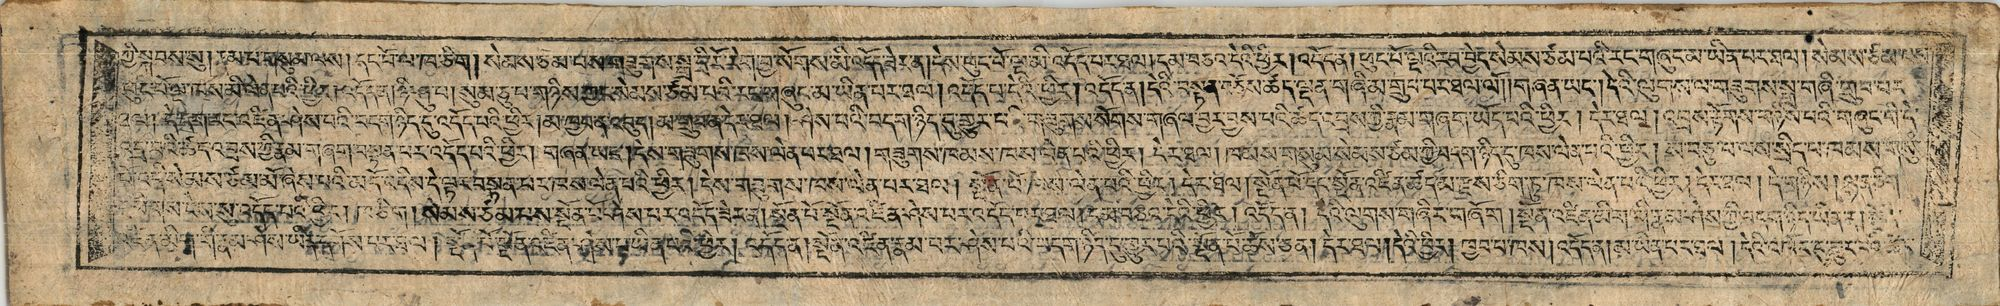ཀྱི་སྐབས་སུ། རྣམ་པ་གསུམ་ལས། དང་པོ་ལ་ཁ་ཅིག །སེམས་ཙམ་པས་གཟུགས་སྒྲ་དྲི་རོ་རེག་བྱ་སོགས་མི་འདོད་ཟེར་ན། དསྥུང་པོ་ལྔ་མི་འདོད་པར་ཐལ། དམ་བཅའ་དེའི་ཕྱིར། འདོད་ན། ཕུང་པོ་ལྔའི་རབ་བྱེད་སེམས་ཙམ་པའི་རང་གཞུང་མ་ཡིན་པར་ཐལ། སེམས་ཙམ་པས་
ཕུང་པོ་ལྔ་ཁས་མི་ལེན་པའི་ཕྱིར། འདོད་ན། ཉི་ཤུ་པ། སུམ་ཅུ་པ་གཉིས་ཀྱང་སེམས་ཙམ་པའི་རང་གཞུང་མ་ཡིན་པར་ཐལ། འདོད་པ་དེའི་ཕྱིར། འདོད་ན། དེའི་བསྟན་བཅོས་ཚད་ལྡན་གཞི་མ་གྲུབ་པར་ཐལ་ལོ། །གཞན་ཡང་། དེའི་ལུགས་ལ་གཟུགས་སྒྲ་གཞི་གྲུབ་པར་
ཐལ། དེ་དག་རང་འཛིན་ཤེས་པའི་བདག་ཉིད་དུ་འདོད་པའི་ཕྱིར། མ་ཁྱབ་ན་འབུད། མ་གྲུབ་ན་དེར་ཐལ། ཤེས་པའི་བདག་ཉིད་དུ་གྱུར་པའི་གཟུགས་སོགས་གཞལ་བྱར་བྱས་པའི་ཚད་འབྲས་ཀྱི་རྣམ་གཞག་ཡོད་པའི་ཕྱིར། དེར་ཐལ། འབྲས་རྟོགས་གཉིས་པའི་གཞུང་གི་དེ་
འདྲ་བའི་ཚད་འབྲས་ཀྱི་རྣམ་གཞག་བསྟན་པར་འདོད་པའི་ཕྱིར། གཞན་ཡང་། དེས་གཟུགས་ཁས་ལེན་པར་ཐལ། གཟུགས་ཁམས་ཁས་ལེན་པའི་ཕྱིར། དེར་ཐལ། ཁམས་གསུམ་སེམས་ཙམ་ཀྱི་བདག་ཉིད་དུ་ཁས་ལེན་པའི་ཕྱིར། ས་བཅུ་པ་ལས་སྲིད་པ་ཁམས་གསུམ་
པོ་འདི་སེམས་ཙམ་མོ་ཞེས་པའི་མདོ་འདིས་དེ་ལྟར་བསྟན་པར་ཁས་ལེན་པའི་ཕྱིར། དེས་གཟུགས་ཁས་ལེན་པར་ཐལ། སྔོན་པོ་ཁས་ལེན་པའི་ཕྱིར། དེར་ཐལ། སྔོན་པོ་དང་སྔོན་འཛིན་ཚད་མ་རྫས་ཅིག་ཏུ་ཁས་ལེན་པའི་ཕྱིར། དེར་ཐལ། དེ་གཉིས་ལྷན་ཅིག་
དམིགས་ངེས་སུ་འདོད་པའི་ཕྱིར། ཁ་ཅིག །སེམས་ཙམ་པས་སྔོན་པོ་ཤེས་པར་འདོད་ཟེར་ན། སྔོན་པོ་སྔོན་འཛིན་ཤེས་པར་འདོད་པར་ཐལ། དམ་བཅའ་དེའི་ཕྱིར། འདོད་ན། དེའི་ལུགས་གཞིར་གཞོག །སྔོན་འཛིན་མིག་གི་རྣམ་ཤེས་ཀྱི་བདག་ཉིད་ཡིན་ན། སྔོན་?
འཛིན་མིག་གི་རྣམ་ཤེས་ཡིན་དགོས་པར་ཐལ། སྔོན་པོ་སྔོན་འཛིན་ཤེས་པ་ཡིན་པའི་ཕྱིར། འདོད་ན། སྔོན་འཛིན་རྣམ་པར་ཤེས་པའི་བདག་ཉིད་དུ་གྱུར་བའི་སྔོན་པོ་ཆོས་ཅན། དེར་ཐལ། དེའི་ཕྱིར། ཁྱབ་པ་ཁས། འདོད་ན། མ་ཡིན་པར་ཐལ། དེའི་འཁོར་དུ་གྱུར་པའི་ཆོད་?